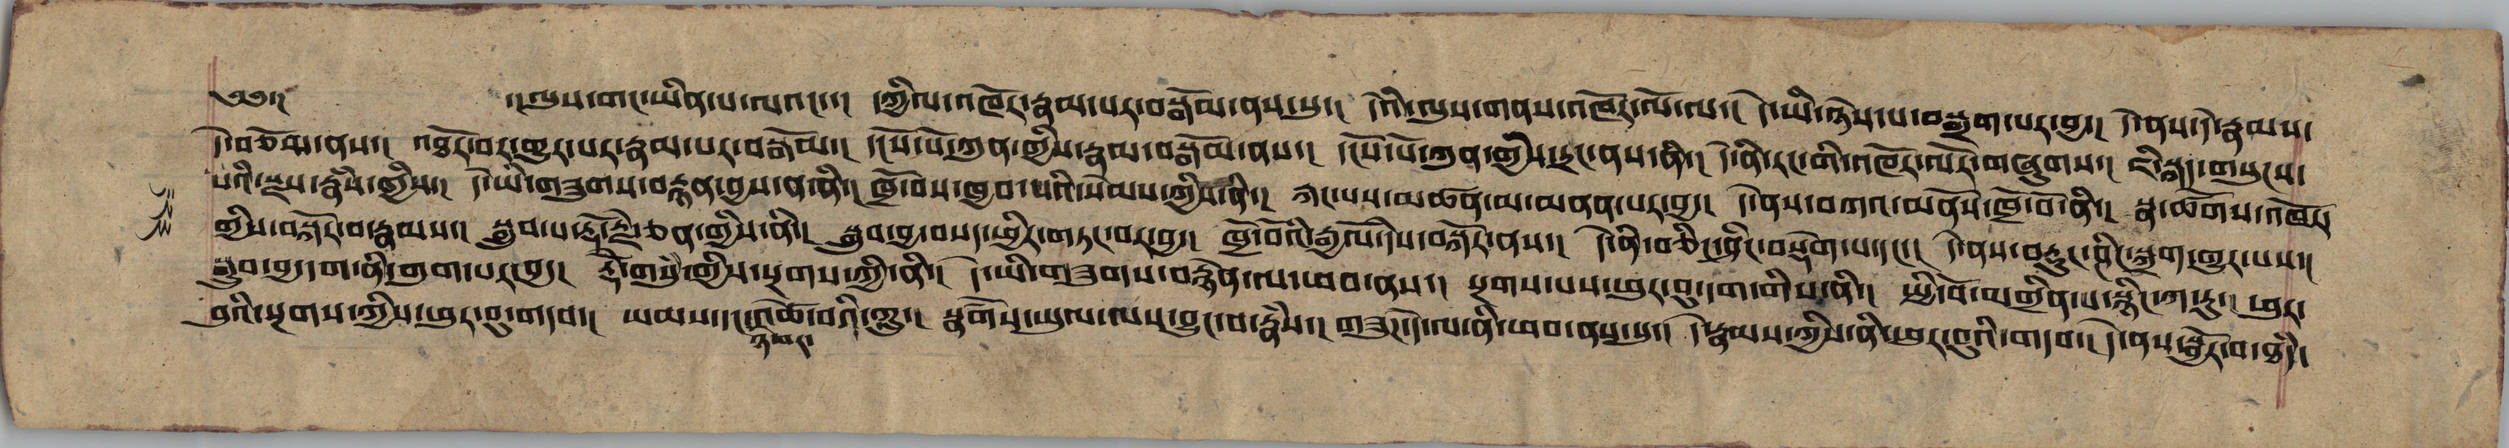༄༅་། ་།ལུས་གང་ཡིན་པ་ལའང་་། དཀྱིལ་འཁོར་རྣམ་པར་བསྒོམ་ནས་སུ་། དེའི་ལུས་གནས་འཁོར་ལོ་ལ་། དེ་ཡི་ཉེས་པ་བསྒྲག་པར་བྱ་། དེ་ནས་དེ་རྣམས་
དེ་བཅོམ་ནས་། འཐོར་བར་གྱུར་པ་རྣམ་པར་བསྒོམ་། དངོས་པོ་ཀུན་གྱིས་རྣམ་བསྒོམ་ནས་། དངོས་པོ་ཀུན་གྱིས་དྲང་ནས་ནི་། དེ་ནི་རང་གི་འཁོར་ལོར་གཞུགས་། ཇི་སྐད་གསུངས་
པའི་སྫས་རྣཾས་ཀྱིས་། དེ་ཡི་གཟུགས་བརྙན་བྱས་ན་ནི་། ཁྲོ་བོས་ཁྱབ་པའི་སེམས་ཀྱིས་ནི་། རྐང་པས་མཚན་མ་མནན་པར་བྱ་། དེ་ནས་བཀའ་མནོས་ཁྲོ་བོ་ནི་། སྣ་ཚོགས་འཁོར་
གྱིས་བསྐོར་བ་རྣམས་། སྒྲུབ་པ་རྡོ་རྗེ་ཅན་གྱིས་ནི་། སྒྲུབ་བྱ་བསད་ཕྱིར་གཏང་བར་བྱ་། ཁྲོ་བོའི་རྒྱལོ་དེས་བསྐོར་ནས་། དེ་ནི་བཅིང་ཤིང་བསྡེག་པ་དང་་། དེ་ནས་བརྡུང་ཤིང་སྐྲག་གྱུར་པས་།
སྒྲུབ་བྱ་དག་ནིདགུག་པར་བྱ་། རྡོེ་གསུམ་གྱིས་སྔགས་ཀྱི་ནི་། དེ་ཡི་གཟུགས་བརྙེན་ལ་ཕབ་ནས་། སྔགས་པས་ཕུར་བུ་དག་གིས་ནི་། སྤྱི་བོ་མགྲིན་པ་སྙིང་ཀ་རུ་། ཕུར་
བུའི་སྔགས་ཀྱིས་ཕུར་བུ་གདབ་། ཡམས་དང་ཉེ་བར་འཚེ་བའི་གླུ་། སྣཚོགས་ཡུལ་ལས་བྱུང་བ་རྣཾས་། གཟུཌ་དེ་ལ་ནི་ཕབ་ནས་སུ་། དེ་རྣམས་ཀྱིས་ནི་ཕུར་བུའི་གདབ་། དེ་ནས་སྦྱོར་བ་ཐཾད་